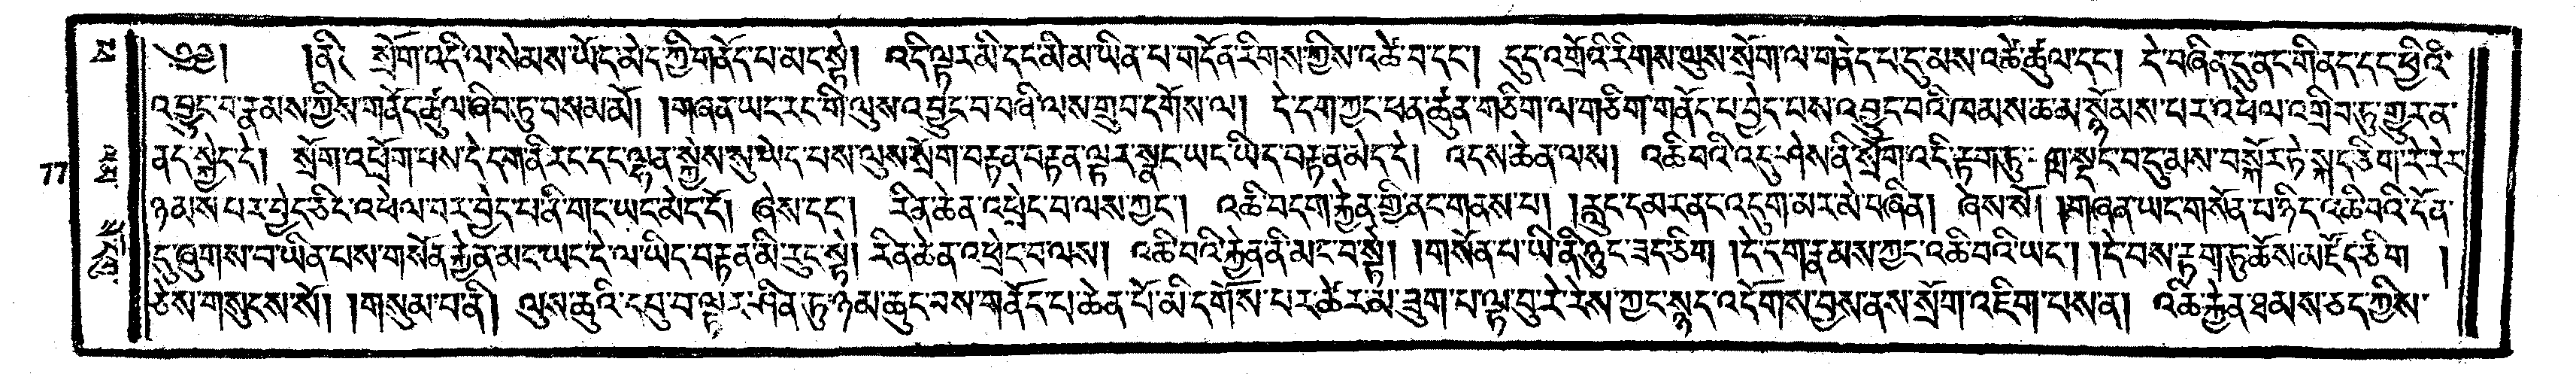༄༅། །ནི༑ སྲོག་འདི་ལ་སེམས་ཡོད་མེད་ཀྱི་གནོད་པ་མང་སྟེ། འདི་ལྟར་མི་དང་མི་མ་ཡིན་པ་གདོན་རིགས་ཀྱིས་འཚེ་བ་དང་། དུད་འགྲོའི་རིགས་ལུས་སྲོག་ལ་གནེད་པ་དུ་མས་འཚེ་ཚུལ་དང་། དེ་བཞིན་དུ་ནང་གི་ནད་དང་ཕྱིའི་
འབྱུང་བ་རྣམས་ཀྱིས་གནོད་ཚུལ་ཞིབ་ཏུ་བསམ་མོ། །གཞན་ཡང་རང་གི་ལུས་འབྱུང་བ་བཞི་ལས་གྲུབ་དགོས་ལ། དེ་དག་ཀྱང་ཕན་ཚུན་གཅིག་ལ་གཅིག་གནོད་པ་བྱེད་པས་འབྱུང་བའི་ཁམས་ཆ་མ་སྙོམས་པར་འཕེལ་འགྲིབ་ཏུ་གྱུར་ན་
ནད་སྐྱེད་དེ། སྲོག་འཕྲོག་པས་དེ་དག་ནི་རང་དང་ལྷན་སྐྱེས་སུ་ཡེད་པས་ལུས་སྲོག་བརྟན་བརྟན་ལྟར་སྣང་ཡང་ཡིད་བརྟན་མེད་དེ། འདས་ཆེན་ལས། འཆི་བའི་འདུ་ཤེས་ནི་སྲོག་འདི་རྟག་ཏུ་གྲ་སྡང་བ་དུ་མས་བསྐོར་ཏེ་སྐད་ཅིག་རེ་རེར་
ཉམས་པར་བྱེད་ཅིང་འཕེལ་བར་བྱེད་པ་ནི་གང་ཡང་མེད་དོ། ཞེས་དང་། རིན་ཆེན་འཕྲེང་བ་ལས་ཀྱང་། འཆི་བའི་བདག་རྐྱེན་གྱི་ནང་གནས་པ། །རླུང་དམར་ནང་འདུག་མར་མེ་བཞིན། ཞེས་སོ། །གཞན་ཡང་གསོན་པ་ཉིད་འཆི་བའི་དོན་
དུ་ཞུགས་བ་ཡིན་པས་གསོན་རྐྱེན་མང་ཡང་དེ་ལ་ཡིད་བརྟན་མི་རུང་སྟེ། རིན་ཆེན་འཕྲེང་བ་ལས། འཆི་བའི་རྐྱེན་ནི་མང་བ་སྟེ། །གསོན་པ་ཡི་ནི་ཉུང་ཟད་ཅིག །དེ་དག་རྣམས་ཀྱང་འཆི་བའི་ཡང་། །དེ་བས་རྟག་ཏུ་ཆོས་མཛོད་ཅིག །
ཅེས་གསུངས་སོ། །གསུམ་བ་ནི། ལུས་ཆུའི་དབུ་བ་ལྟར་ཤིན་ཏུ་ཉམ་ཆུང་བས་གནོད་པ་ཆེན་པོ་མི་དགོས་པར་ཚེར་མ་ཟུག་པ་ལྟ་བུ་རེ་རེས་ཀྱང་སྙད་འདོགས་བྱས་ནས་སྲོག་འཇིག་པས་ན། འཆི་རྐྱེན་ཐམས་ཅད་ཀྱིས་